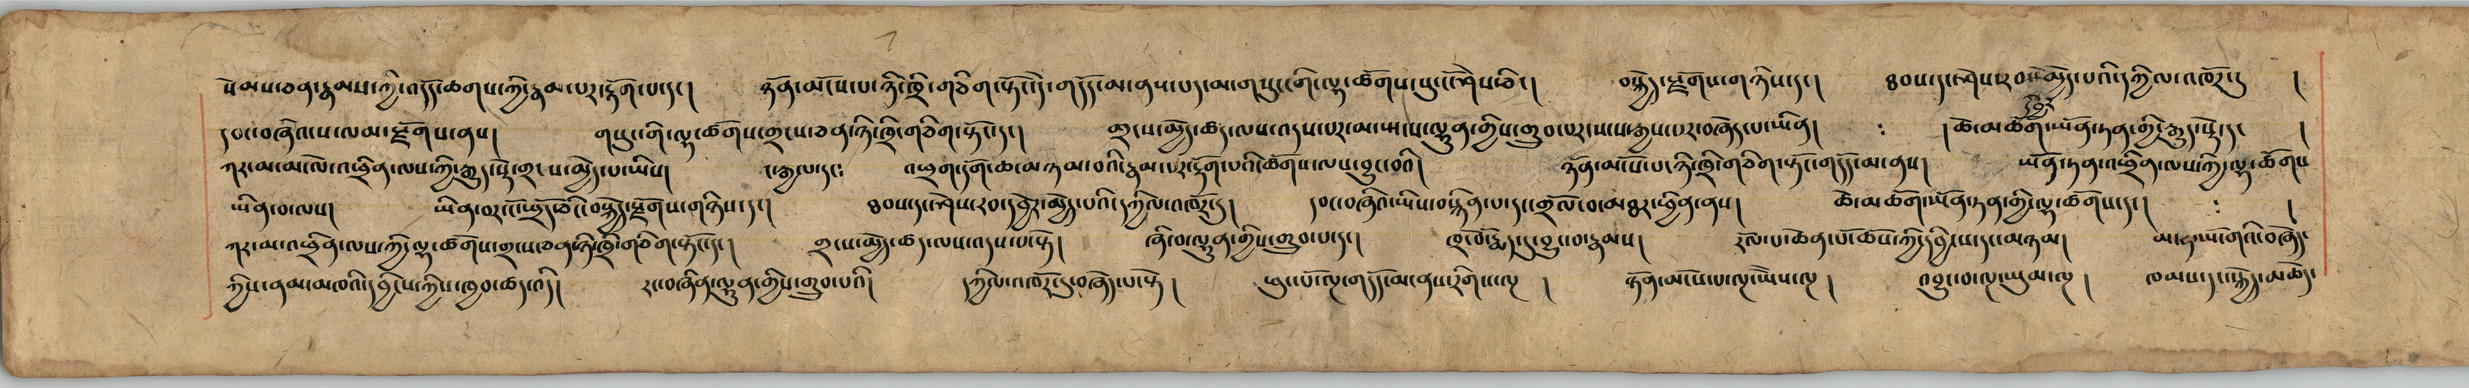སེམས་ཅན་རྣམས་ཀྱི་འདོད་ཆགས་ཀྱི་རྣམ་པར་རྟོག་པ་དང། ཉོན་མོངས་པ་ཉི་ཁྲི་གཅིག་སྟོང་དེ་གདོད་མ་ནས་པད་མ་གསུང་གི་ལྷ་ཚོགས་སུ་ངོ་ཤེས་ཅིང། བསྐྱེད་སྫོགས་གཉིས་དང། ཐབས་དང་ཤེས་རབ་མྱེད་པའི་དཀྱིལ་འཁོར་དུ །
དབང་བཞིའ་ས་ལམ་སྫོགས་ནས། གསུང་གི་ལྷ་ཚོགས་གྲངས་ཅན་ཉི་ཁྲི་གཅིག་སྟོང་དང། གྲངས་མྱེད་ཚད་ལས་འདས་པར་མ་སྤངས་ལྷུན་གྱིས་གྲུབ་པར་སངས་རྒྱས་པར་བཞེད་པ་ཡིན། །ཆེ་མཆོག་ཡོན་ཏན་གྱི་རྒྱུད་སྡེ་དང
ཀར་མ་མ་ལེ་འཕྲིན་ལས་ཀྱི་རྒྱུད་སྡེ་གྲངས་མྱེད་པ་ཡིས། ང་རྒྱལ་དང༴ འཕྲག་དོག་ཆ་མཉམ་བའི་རྣམ་པར་རྟོག་པའི་ཚོགས་ལས་བྱུང་བའི། ཉོན་མོངས་པ་ཉི་ཁྲི་གཅིག་སྟོང་གདོད་མ་ནས། ཡོན་ཏན་འཕྲིན་ལས་ཀྱི་ལྷ་ཚོགས
ཡིན་བ་ལས། ཡིན་བར་ངོ་སྤྲོད་ཅིང་བསྐྱེད་སྫོགས་གཉིས་དང། ཐབས་དང་ཤེས་རབ་དབྱེར་མྱེད་པའི་དཀྱིལ་འཁོར་དུ། དབང་བཞིའ་ཡིས་བསྙིན་པ་དང་གྲོལ་བ་མཐར་ཕྱིན་ནས། ཆེ་མཆོག་ཡོན་ཏན་གྱི་ལྷ་ཚོགས་དང།
ཀར་མ་འཕྲིན་ལས་ཀྱི་ལྷ་ཚོགས་གྲངས་ཅན་ཉི་ཁྲི་གཅིག་སྟོང་དང། གྲངས་མྱེད་ཚད་ལས་འདས་པ་སྟེ། ཞི་བ་ལྷུན་གྱིས་གྲུབ་པ་དང། ཁྲ་བོ་རྨད་དུ་བྱུང་བ་རྣམས། རོལ་པ་ཆེན་པོ་ཆོས་ཀྱི་དབྱིངས་དང་མཉམ། མ་ཧ་ཡོ་གའི་བཞེད་
ཀྱི་ནམ་མཁའི་དབྱིངས་ཀྱིས་ཁྱབ་ཚད་འདི། རང་བཞིན་ལྷུན་གྱིས་གྲུབ་པའི། དཀྱིལ་འཁོར་དུ་བཞེད་པ་སྟེ། ཕུང་པོ་ལྔ་གདོད་མ་ནས་རིགས་ལྔ ། ཉོན་མོངས་པ་ལྔ་ཡཻས་ལྔ། འབྱུང་བ་ལྔ་ཡུམ་ལྔ། ཁམས་དང་སྐྱེད་མཆེད་